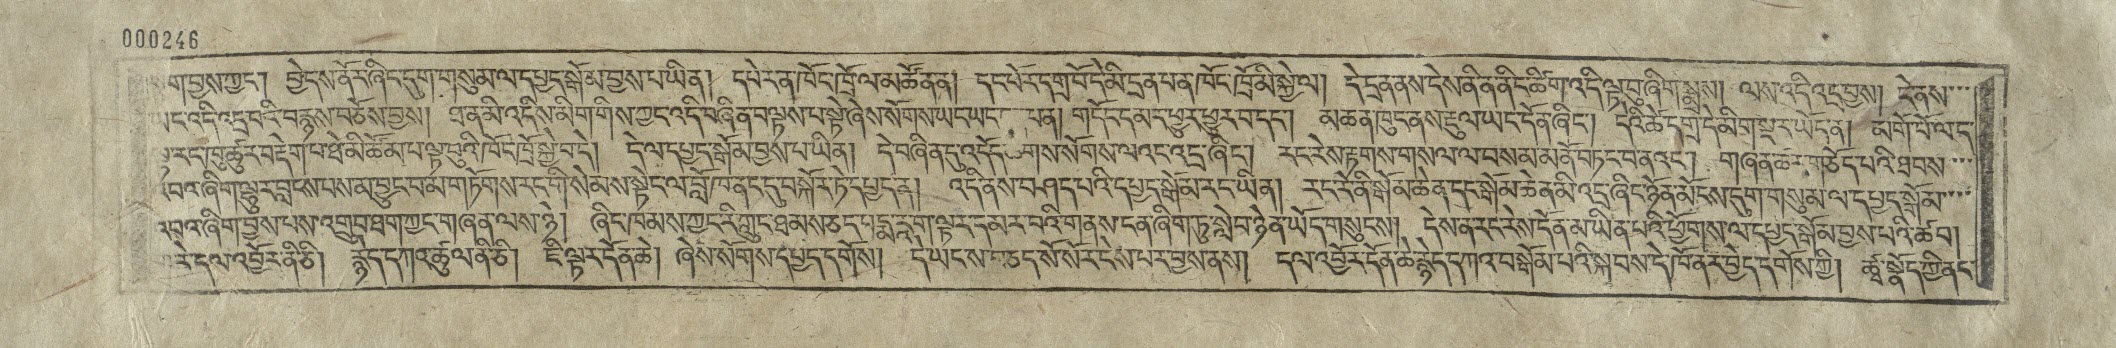སྟག་བྱས་ཀྱང་། བྱེད་ས་ནོར་ཞིང་དུག་གསུམ་ལ་དཔྱད་སྒོམ་བྱས་པ་ཡིན། དཔེར་ན་ཁོང་ཁྲོ་ལ་མཚོན་ན། དང་པོར་དགྲ་བོ་དེ་མི་དྲན་པ་ན་ཁོང་ཁྲོ་མི་སྐྱེ་ལ། དེ་དྲན་ནས་དེས་ནི་ན་ནིང་ཚིག་འདི་ལྟ་བུ་ཞིག་སྨྲས། ལས་འདི་འདྲ་བྱས། དེ་ནས་
ཡང་འདི་འདྲ་བའི་བརྙས་བཅོས་བྱས། ཐ་ན་མི་འདིས་མིག་གིས་ཀྱང་འདི་བཞིན་བལྟས་པ་སྟེ་ཞེས་སོགས་ཡང་ཡང་དྲན་པ་ན། གདོང་དམར་ཕྱུར་ཕྱུར་བ་དང་། མཆན་ཁུང་ནས་རྔུལ་ཡང་དོན་ཞིང་། དེའི་ཚེ་དགྲ་དེ་མིག་སྔར་ཡོད་ན། མགོ་བོ་ལ་དེ་
ལྟ་རང་ཁུ་ཚུར་བརྡེག་པ་ཐེ་མི་ཚོམ་པ་ལྟ་བུའི་ཁོང་ཁྲོ་སྐྱེ་བ་དེ། དེ་ལ་དཔྱད་སྒོམ་བྱས་པ་ཡིན། དེ་བཞིན་དུ་འདོད་ཆགས་སོགས་ལའང་འདྲ་ཞིང་། རང་རེས་རྟགས་གསལ་ལ་བསམ་མནོ་བཏང་བ་ནའང་། གཞན་ཚར་གཅོད་པའི་ཐབས་
འབའ་ཞིག་ལྷུར་བླངས་པས་མ་བྱུང་བ་མ་གཏོགས་རང་གི་སེམས་སྟེང་ལ་བློ་ཁ་ནང་དུ་བསྐོར་ཏེ་དཔྱད་ན། འདི་ནས་བཤད་པའི་དཔྱད་སྒོམ་རང་ཡིན། རང་རེ་ནི་སྒོམ་ཆེན་དང་སྒོམ་ཆེན་མི་འདྲ་ཞིང་ཉོན་མོངས་དུག་གསུམ་ལ་དཔྱད་སྒོམ་
འབའ་ཞིག་བྱས་པས་འགྲུབ་ཐག་ཀྱང་གཞན་ལས་ཉེ། ཞིང་ཁམས་ཀྱང་རི་ཀླུང་ཐམས་ཅད་པདམ་རཱ་ག་ལྟར་དམར་བའི་གནས་ངན་ཞིག་ཏུ་སླེབ་ཉེན་ཡོད་གསུངས། དེས་ན་རང་རེས་དོན་མ་ཡིན་པའི་ཕྱོགས་ལ་དཔྱད་སྒོམ་བྱས་པའི་ཚབ།
ག་རེ་དལ་འབྱོར་ནི་ཅི། རྙེད་དཀའ་ཚུལ་ནི་ཅི། ཇི་ལྟར་དོན་ཆེ། ཞེས་སོགས་དཔྱད་དགོས། དེ་ཡང་ས་བཅད་སོ་སོར་ངེས་པར་བྱས་ནས། དལ་འབྱོར་དོན་ཆེ་རྙེད་དཀའ་བསྒོམ་པའི་སྐབས་དེ་ཁོ་ནར་བྱེད་དགོས་ཀྱི། ཚྭ་སྣོད་ཀྱི་ནང་